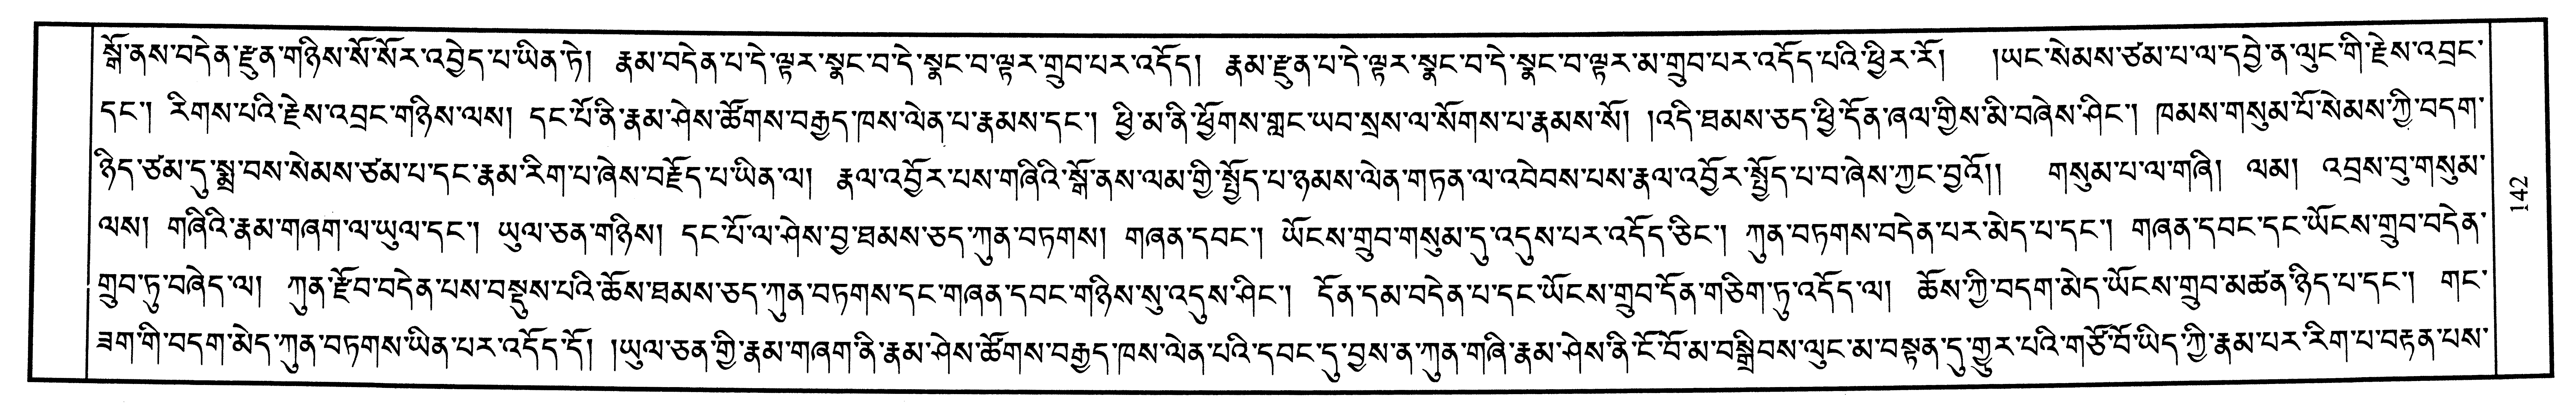སྒོ་ནས་བདེན་རྫུན་གཉིས་སོ་སོར་འབྱེད་པ་ཡིན་ཏེ། རྣམ་བདེན་པ་དེ་ལྟར་སྣང་བ་དེ་སྣང་བ་ལྟར་གྲུབ་པར་འདོད། རྣམ་རྫུན་པ་དེ་ལྟར་སྣང་བ་དེ་སྣང་བ་ལྟར་མ་གྲུབ་པར་འདོད་པའི་ཕྱིར་རོ། །ཡང་སེམས་ཙམ་པ་ལ་དབྱེ་ན་ལུང་གི་རྗེས་འབྲང་
དང་། རིགས་པའི་རྗེས་འབྲང་གཉིས་ལས། དང་པོ་ནི་རྣམ་ཤེས་ཚོགས་བརྒྱད་ཁས་ལེན་པ་རྣམས་དང་། ཕྱི་མ་ནི་ཕྱོགས་གླང་ཡབ་སྲས་ལ་སོགས་པ་རྣམས་སོ། །འདི་ཐམས་ཅད་ཕྱི་དོན་ཞལ་གྱིས་མི་བཞེས་ཤིང་། ཁམས་གསུམ་པོ་སེམས་ཀྱི་བདག་
ཉིད་ཙམ་དུ་སྨྲ་བས་སེམས་ཙམ་པ་དང་རྣམ་རིག་པ་ཞེས་བརྗོད་པ་ཡིན་ལ། རྣལ་འབྱོར་པས་གཞིའི་སྒོ་ནས་ལམ་གྱི་སྤྱོད་པ་ཉམས་ལེན་གཏན་ལ་འབེབས་པས་རྣལ་འབྱོར་སྤྱོད་པ་བ་ཞེས་ཀྱང་བྱའོ།། གསུམ་པ་ལ་གཞི། ལམ། འབྲས་བུ་གསུམ་
ལས། གཞིའི་རྣམ་གཞག་ལ་ཡུལ་དང་། ཡུལ་ཅན་གཉིས། དང་པོ་ལ་ཤེས་བྱ་ཐམས་ཅད་ཀུན་བཏགས། གཞན་དབང་། ཡོངས་གྲུབ་གསུམ་དུ་འདུས་པར་འདོད་ཅིང་། ཀུན་བཏགས་བདེན་པར་མེད་པ་དང་། གཞན་དབང་དང་ཡོངས་གྲུབ་བདེན་
གྲུབ་ཏུ་བཞེད་ལ། ཀུན་རྫོབ་བདེན་པས་བསྡུས་པའི་ཆོས་ཐམས་ཅད་ཀུན་བཏགས་དང་གཞན་དབང་གཉིས་སུ་འདུས་ཤིང་། དོན་དམ་བདེན་པ་དང་ཡོངས་གྲུབ་དོན་གཅིག་ཏུ་འདོད་ལ། ཆོས་ཀྱི་བདག་མེད་ཡོངས་གྲུབ་མཚན་ཉིད་པ་དང་། གང་
ཟག་གི་བདག་མེད་ཀུན་བཏགས་ཡིན་པར་འདོད་དོ། །ཡུལ་ཅན་གྱི་རྣམ་གཞག་ནི་རྣམ་ཤེས་ཚོགས་བརྒྱད་ཁས་ལེན་པའི་དབང་དུ་བྱས་ན་ཀུན་གཞི་རྣམ་ཤེས་ནི་ངོ་བོ་མ་བསྒྲིབས་ལུང་མ་བསྟན་དུ་གྱུར་པའི་གཙོ་བོ་ཡིད་ཀྱི་རྣམ་པར་རིག་པ་བརྟན་པས་